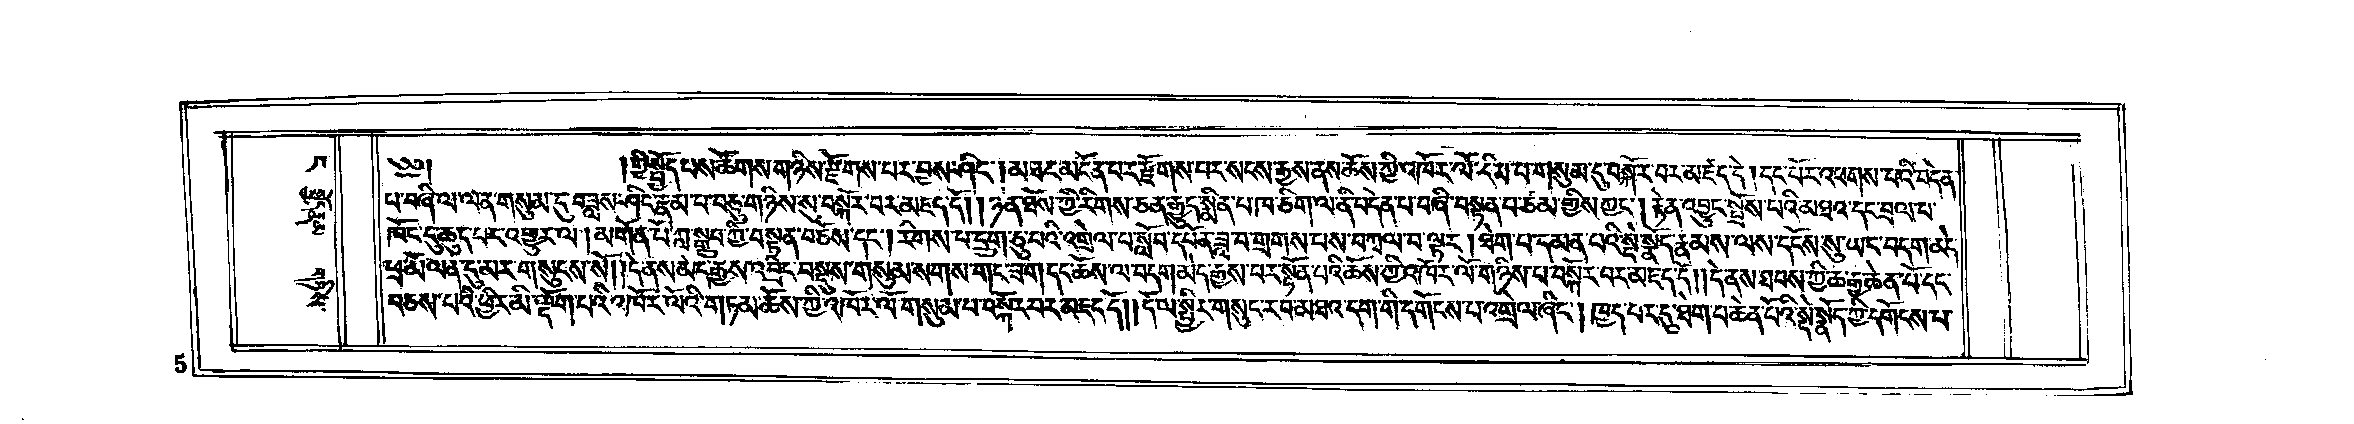༄༅། །གྱི་སྤྱོད་པས་ཚོགས་གཉིས་རྫོགས་པར་བྱས་ཤིང་། མཐར་མངོན་པར་རྫོགས་པར་སངས་རྒྱས་ནས་ཆོས་ཀྱི་འཁོར་ལོ་རིམ་པ་གསུམ་དུ་བསྐོར་བར་མཛད་དེ། དང་པོར་འཕགས་པའི་བདེན་
པ་བཞི་ལ་ལེན་གསུམ་དུ་བཟླས་ཤིང་རྣམ་པ་བཅུ་གཉིས་སུ་བསྐོར་བར་མཛད་དོ། །ཉན་ཐོས་ཀྱི་རིགས་ཅན་རྒྱུད་སྨིན་པ་ཁ་ཅིག་ལ་ནི་བདེན་པ་བཞི་བསྟན་པ་ཙམ་གྱིས་ཀྱང་། རྟེན་འབྱུང་སྤྲོས་པའི་མཐའ་དང་བྲལ་བ་
ཁོང་དུ་ཆུད་པར་འགྱུར་ལ། མགོན་པོ་ཀླུ་སྒྲུབ་ཀྱི་བསྟན་བཅོས་དང་། རིགས་པ་དྲུག་ཅུ་པའི་འགྲེལ་པ་སློབ་དཔོན་ཟླ་བ་གྲངས་པས་བཀྲལ་པ་ལྟར། ཐེག་པ་དམན་པའི་སྡེ་སྣོད་རྣམས་ལས་དངོས་སུ་ཡང་བདག་མེད་
ཕྲ་མོ་ལན་དུ་མར་གསུངས་སོ། །དེ་ནས་མེད་རྒྱས་འབྲིང་བསྡུས་གསུམ་སོགས་གང་ཟག་དང་ཆོས་ལ་བདག་མེད་རྒྱས་པར་སྟོན་པའི་ཆོས་ཀྱི་འཁོར་ལོ་གཉིས་པ་བསྐོར་བར་མཛད་དོ། །དེ་ནས་ཐབས་ཀྱི་ཆ་རྒྱ་ཆེན་པོ་དང་
བཅས་པའི་ཕྱིར་མི་ལྡོག་པའི་འཁོར་ལོའི་གཏམ་ཆོས་ཀྱི་འཁོར་ལོ་གསུམ་པ་བསྐོར་བར་མཛད་དོ། །དོ་ལ་སྤྱིར་གསུང་རབ་མཐའ་དག་གི་དགོངས་པ་འགྲེལ་ཞིང་། ཁྱད་པར་དུ་ཐེག་པ་ཆེན་པོའི་སྡེ་སྣོད་ཀྱི་དགོངས་པ་